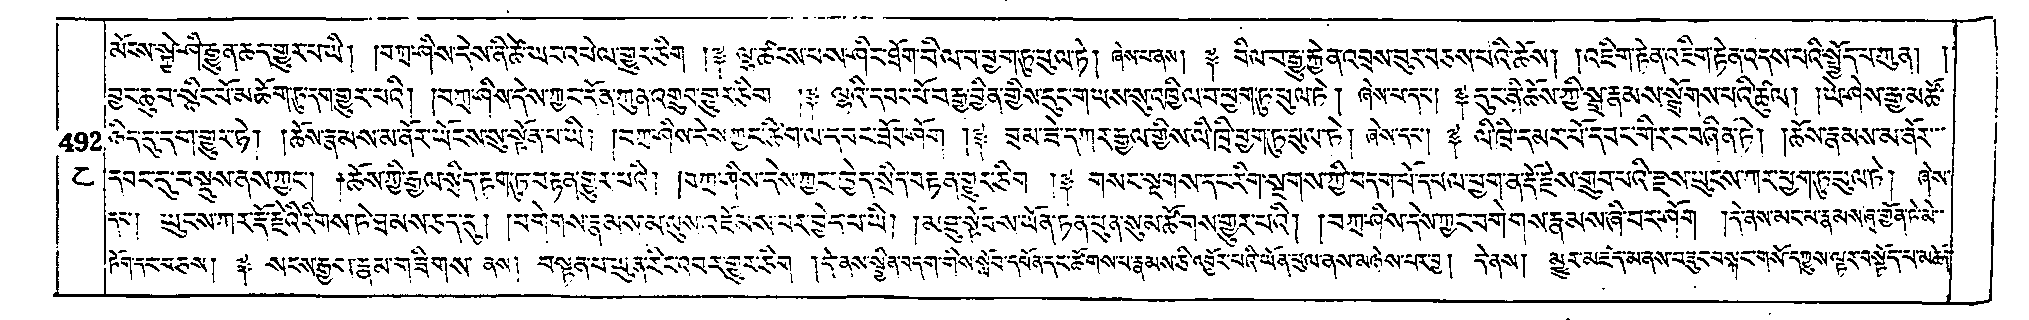མངོས་སྐྱེ་ཤི་རྒྱུན་ཆད་གྱུར་པ་ཡི། །བཀྲ་ཤིས་དེས་ནི་ཚེ་ཡང་འཕེལ་གྱུར་ཅིག །འ་ལྷ་ཚང་པས་ཤིང་ཐོག་བིལ་བ་ཕྱག་ཏུ་ཕུལ་ཏེ། ཞེས་པ་ནས།  འ་བིལ་བ་རྒྱུ་རྐྱེན་འབྲས་བུར་བཅས་པའི་ཆོས། །འཇིག་རྟེན་འཇིག་རྟེན་འདས་པའི་སྤྱོད་པ་ཀུན།།
བྱང་ཆུབ་སྙིང་པོ་མཆོག་ཏུ་དག་གྱུར་པའི། །བཀྲ་ཤིས་དེས་ཀྱང་དོན་ཀུན་འགྲུབ་གྱུར་ཅིག །འ་ལྷའི་དབང་པོ་བརྒྱ་བྱིན་གྱིས་དུང་གཡས་སུ་འཁྱིལ་བ་ཕྱག་ཏུ་ཕུལ་ཏེ། ཞེས་པ་དང་།  འ་དུང་ནི་ཆོས་ཀྱི་སྒྲ་རྣམས་སྒྲོགས་པའི་ཚུལ། །ཡེ་ཤེས་རྒྱ་མཚོ་
ཉིད་དུ་དག་གྱུར་ཏེ། །ཆོས་རྣམས་མ་ནོར་ཡོངས་སུ་སྟོན་པ་ཡི། །བཀྲ་ཤིས་དེས་ཀྱང་ཚིག་ལ་དབང་ཐོབ་ཤོག །འ་བྲམ་ཟེ་དཀར་རྒྱལ་གྱིས་ལི་ཁྲི་ཕྱག་ཏུ་ཕུལ་ཏེ། ཞེས་དང་།  འ་ལི་ཁྲི་དམར་པོ་དབང་གི་རང་བཞིན་ཏེ། །ཆོས་རྣམས་མ་ནོར་
དབང་དུ་བསྡུས་ནས་ཀྱང་། །ཆོས་ཀྱི་རྒྱལ་སྲིད་རྟག་ཏུ་བརྟན་གྱུར་པའི། །བཀྲ་ཤིས་དེས་ཀྱང་ཁྱེད་སྲིད་བརྟན་གྱུར་ཅིག །འ་གསང་སྔགས་དང་རིག་སྔགས་ཀྱི་བདག་པོ་དཔལ་ཕྱག་ན་རྡོ་རྗེས་གྲུབ་པའི་རྫས་ཡུངས་ཀར་ཕྱག་ཏུ་ཕུལ་ཏེ། ཞེས་
དང་། ཡུངས་ཀར་རྡོ་རྗེའི་རིགས་ཏེ་ཐམས་ཅད་དུ། །བགེགས་རྣམས་མ་ལུས་འཇོམས་པར་བྱེད་པ་ཡི། །མཐུ་སྟོབས་ཡོན་ཏན་ཕུན་སུམ་མཚོགས་གྱུར་པའི། །བཀྲ་ཤིས་དེས་ཀྱང་བགེགས་རྣམས་ཞི་བར་ཤོག །དེ་ནས་མང་མ་རྣམས་ཞྭ་གྱོན་ཏེ་མེ་
ཏོག་དང་བཅས། འ་སངས་རྒྱས་རྣམ་གཟིགས་ནས། བསྟན་པ་ཡུན་རིང་འབར་གྱུར་ཅིག །དེ་ནས་སྦྱིན་དབག་གིས་སློབ་དཔོན་དང་ཚོགས་པ་རྣམས་ཅི་འབྱོར་བའི་ཡོན་ཕུལ་མ་ཉེས་པར་བྱ། དེ་ནས། མྱོར་མཛད་མ་ནས་བཟུང་བསྐང་གསོ་དཀྱུས་ལྟར་བསྟོད་པ་མཆོད་